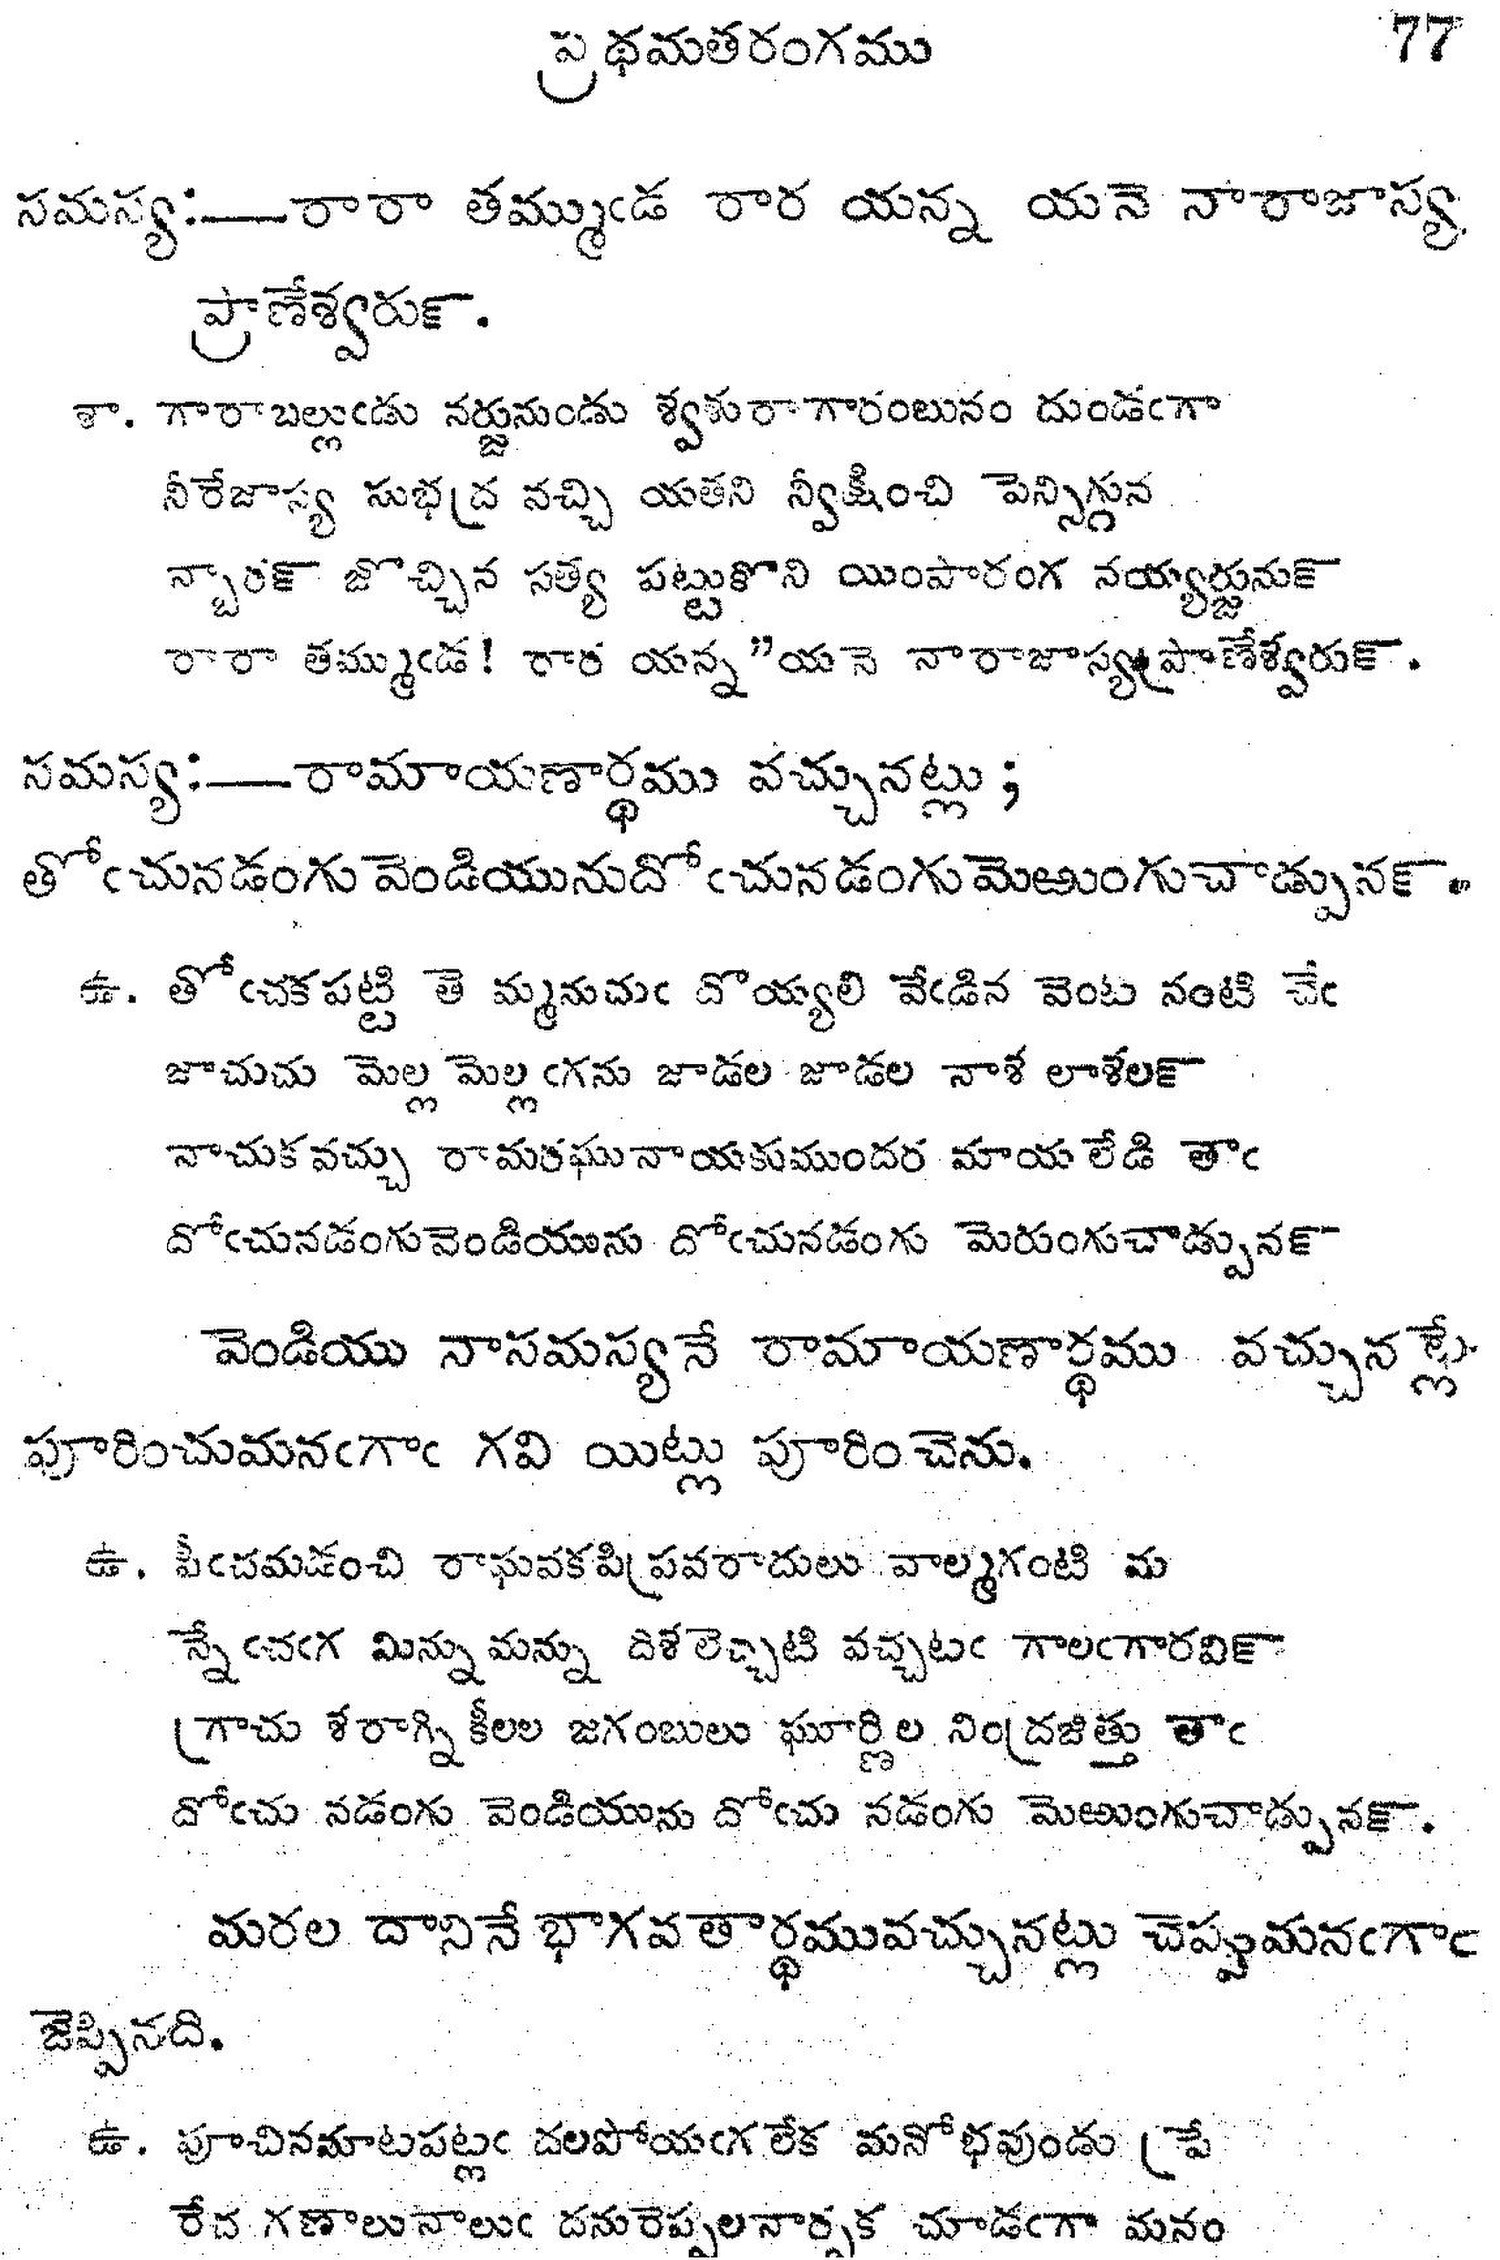సమస్య:—రారా తమ్ముఁడ రార యన్న యనె నారాజాస్య ప్రాణేశ్వరున్

శా. గారాబల్లుఁడు నర్జునుండు శ్వశురాగారంబునం దుండఁగా
 నీరేజాస్య సుభద్ర వచ్చి యతని న్వీక్షించి పెన్సిగ్గున
 న్బారన్ జొచ్చిన సత్య పట్టుకొని యింపారంగ నయ్యర్జునున్
 “రారా తమ్ముఁడ! రార యన్న” యనె నారాజాస్యప్రాణేశ్వరున్.

సమస్య:—రామాయణార్థము వచ్చునట్లు;
 తోఁచునడంగు వెండియును దోఁచునడంగు మెఱుంగుచాడ్పునన్

ఉ. తోఁచకపట్టి తె మ్మనుచుఁ దొయ్యలి వేఁడిన వెంట నంటి చేఁ
 జూచుచు మెల్లమెల్లఁగను జాడల జాడల నాశ లాశలన్
 నాచుకవచ్చు రామరఘునాయకుముందర మాయలేడి తాఁ
 దోఁచునడంగువెండియును దోఁచునడంగు మెఱుంగుచాడ్పునన్.

సమస్య:—వెండియు నాసమస్యనే రామాయణార్థము వచ్చునట్లే పూరించుమనఁగాఁ గవి యిట్లు పూరించెను.

ఉ. పీఁచ మడంచి రాఘవకపిప్రవరాదులు వాల్మగంటి మ
 న్నేఁచఁగ మిన్నుమన్ను దిశలెచ్చటి వచ్చటఁ గాలఁగారవిన్
 గ్రాచు శరాగ్నికీలల జగంబులు ఘూర్ణిల నింద్రజిత్తు తాఁ
 దోఁచు నడంగు వెండియును దోఁచు నడంగు మెఱుంగుచాడ్పునన్.

సమస్య:—మరల దానినే భాగవతార్థము వచ్చునట్లు చెప్పుమనఁగాఁ జెప్పినది.

ఉ. పూచినమాటపట్లఁ దలపోయఁగలేక మనోభవుండు ప్రే
 రేచ గణాలునాలుఁ దనురెప్పలనార్పక చూడఁగా మనం